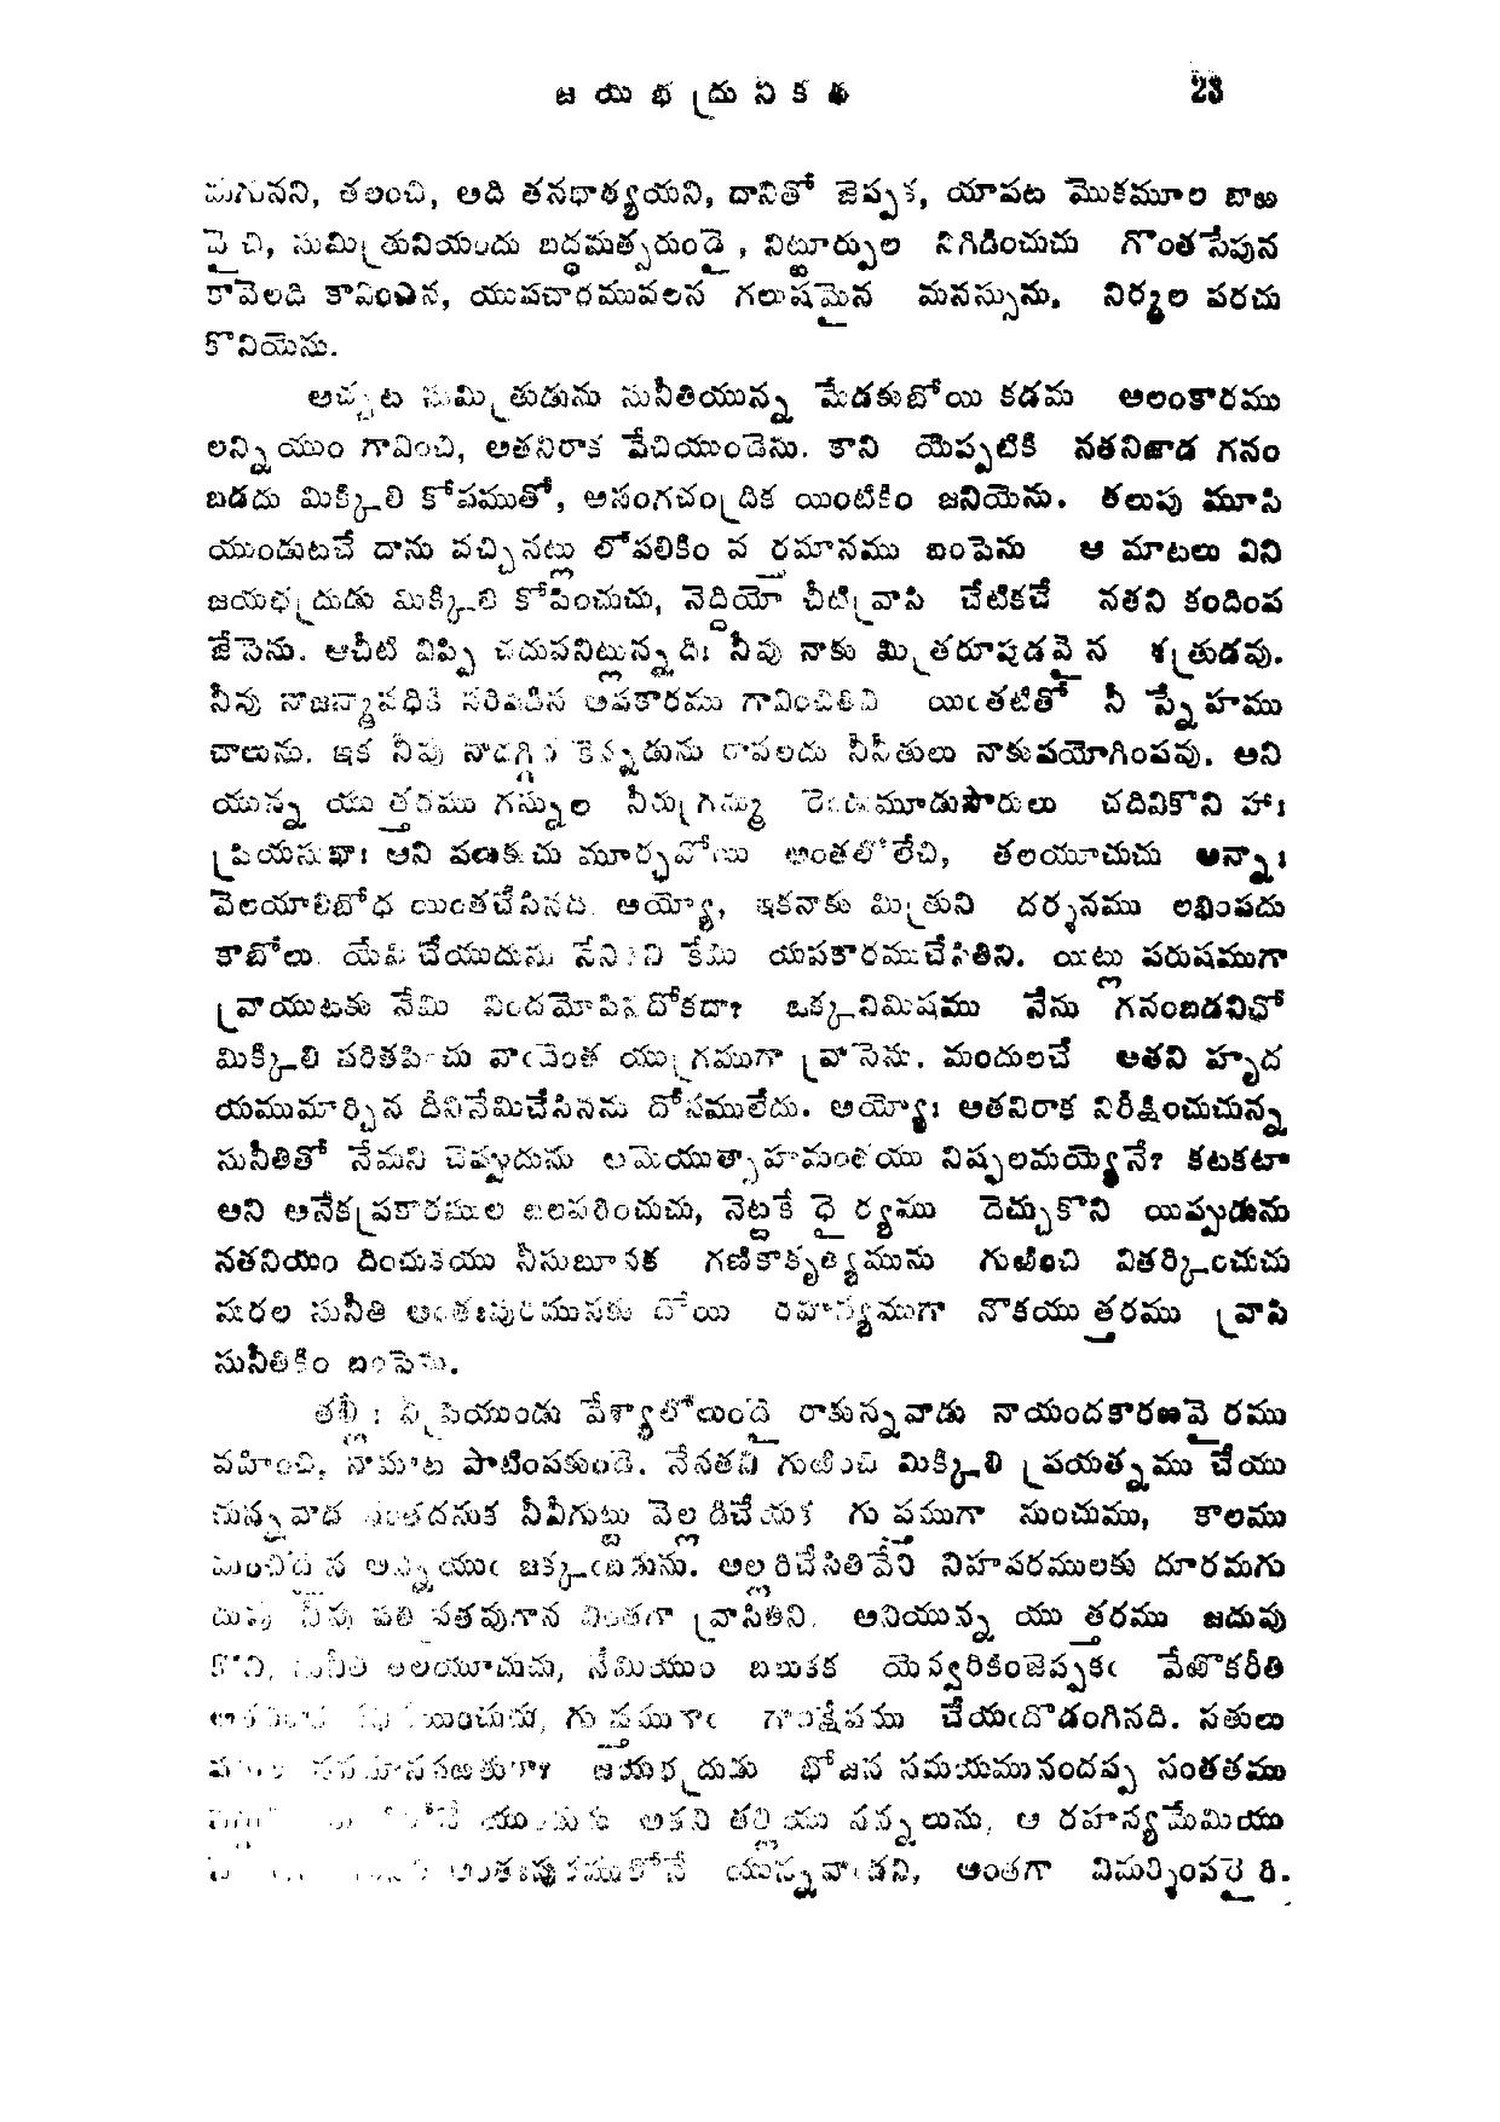మగునని తలంచి, అది తనభార్యయని, దానితో జెప్పక, యాపట మొకమూల బాఱవైచి, సుమిత్రునియందు బద్దమత్సరుండై , నిట్టూర్పుల నిగిడించుచు గొంతసేపున కావెలది కావించిన యుపచారమువలన గలుషమైన మనస్సును నిర్మలపరచుకొనియెను.

అచ్చట సుమిత్రుడును సునీతియున్న మేడకుబోయి కడమ అలంకారము లన్నియుం గావించి, అతనిరాక వేచి యుండెను. కాని యెప్పటికి నతనిజాడ గనంబడదు మిక్కిలి కోపముతో అనంగచంద్రిక యింటికిం జనియెను. తలుపు మూసి యుండుటచే దాను వచ్చినట్లు లోపలికిం వర్తమానము బంపెను ఆ మాటలు విని జయభద్రుడు మిక్కిలి కోపించుచు, నెద్దియో చీటివ్రాసి చేటికచే నతని కందింపజేసెను. ఆచీటి విప్పి చదువ నిట్లున్నది! నీవు నాకు మిత్రరూపుడవైన శత్రుడవు. నీవు నాజన్మావధికి సరిపడిన అపకారము గావించితివి. యింతటితో నీ స్నేహము చాలును. ఇక నీవు నాదగ్గిర కెన్నడును రావలదు నీనీతులు నాకుపయోగింపవు. అని యున్న యుత్తరము గన్నుల నీరుగ్రమ్మ రెండుమూడు సారులు చదివికొని హా! ప్రియసుఖా! అని వణకుచు మూర్చవోయి అంతలోలేచి, తలయూచుచు అన్నా! వెలయాలిబోధ యింతచేసినది. ఆయ్యో, ఇకనాకు మీత్రుని దర్శనము లభింపదు కాబోలు. యేమిచేయుదును నేనితని కేమి యపకారముచేసితిని. యిట్లు పరుషముగా వ్రాయుటకు నేమి నిందమోపినదోకదా? ఒక్కనిమిషము నేను గనంబడనిచో మిక్కిలి పరితపించువాఁ డెంత యుగ్రముగా వ్రాసెను. మందులచే అతని హృదయముమార్చిన దీనినేమిచేసినను దోసములేదు. అయ్యో! అతనిరాక నిరీక్షించుచున్న సునీతితో నేమని చెప్పుదును ఆమెయుత్సాహమంతయు నిష్ఫలమయ్యెనే? కటకటా అని అనేకప్రకారముల బలవరించుచు, నెట్టకే ధైర్యము దెచ్చుకొని యిప్పుడును నతనియం దించుకయు నీసుబూనక గణికాకృత్యమును గుఱించి వితర్కించుచు మరల సునీతి అంతఃపురమునకు బోయి రహస్యముగా నొకయుత్తరము వ్రాసి సునీతికిం బంపెను.

తల్లీ! నీప్రియుండు వేశ్యాలోలుండై రాకున్నవాడు నాయం దకారణవైరము వహించి, నామాట పాటింపకుండె. నే నతనిగుఱించి మిక్కిలి ప్రయత్నము చేయుచున్నవాడ. ఇంతదనుక నీ వీగుట్టు వెల్లడిచేయక గుప్తముగా నుంచుము. కాలము మంచిదైన అన్నియుఁ జక్కఁబడును. అల్లరిచేసితివేని నిహపరములకు దూరమగుదువు. నీవు పతివ్రతవుగాన నింతగా వ్రాసితిని. అనియున్న యుత్తరము జదువుకొని, సునీతి తలయూచుచు, నేమియుం బలుకక యెవ్వరికింజెప్పకఁ వేఱొకరీతి అతనిరాక కభినయించుచు గుప్తముగాఁ గాలక్షేపము చేయఁదొడంగినది. సతులు పతుల నవమానపరుతురా? జయభద్రుడు భోజనసమయమునందప్ప సంతతము ననంగమంజరితోనే యుండును. అతని తల్లియు నన్నలును, ఆ రహస్య మేమియు తెలియక అతడు అంతఃపురములోనే యున్నవాఁడని, అంతగా విమర్శింపరైరి.